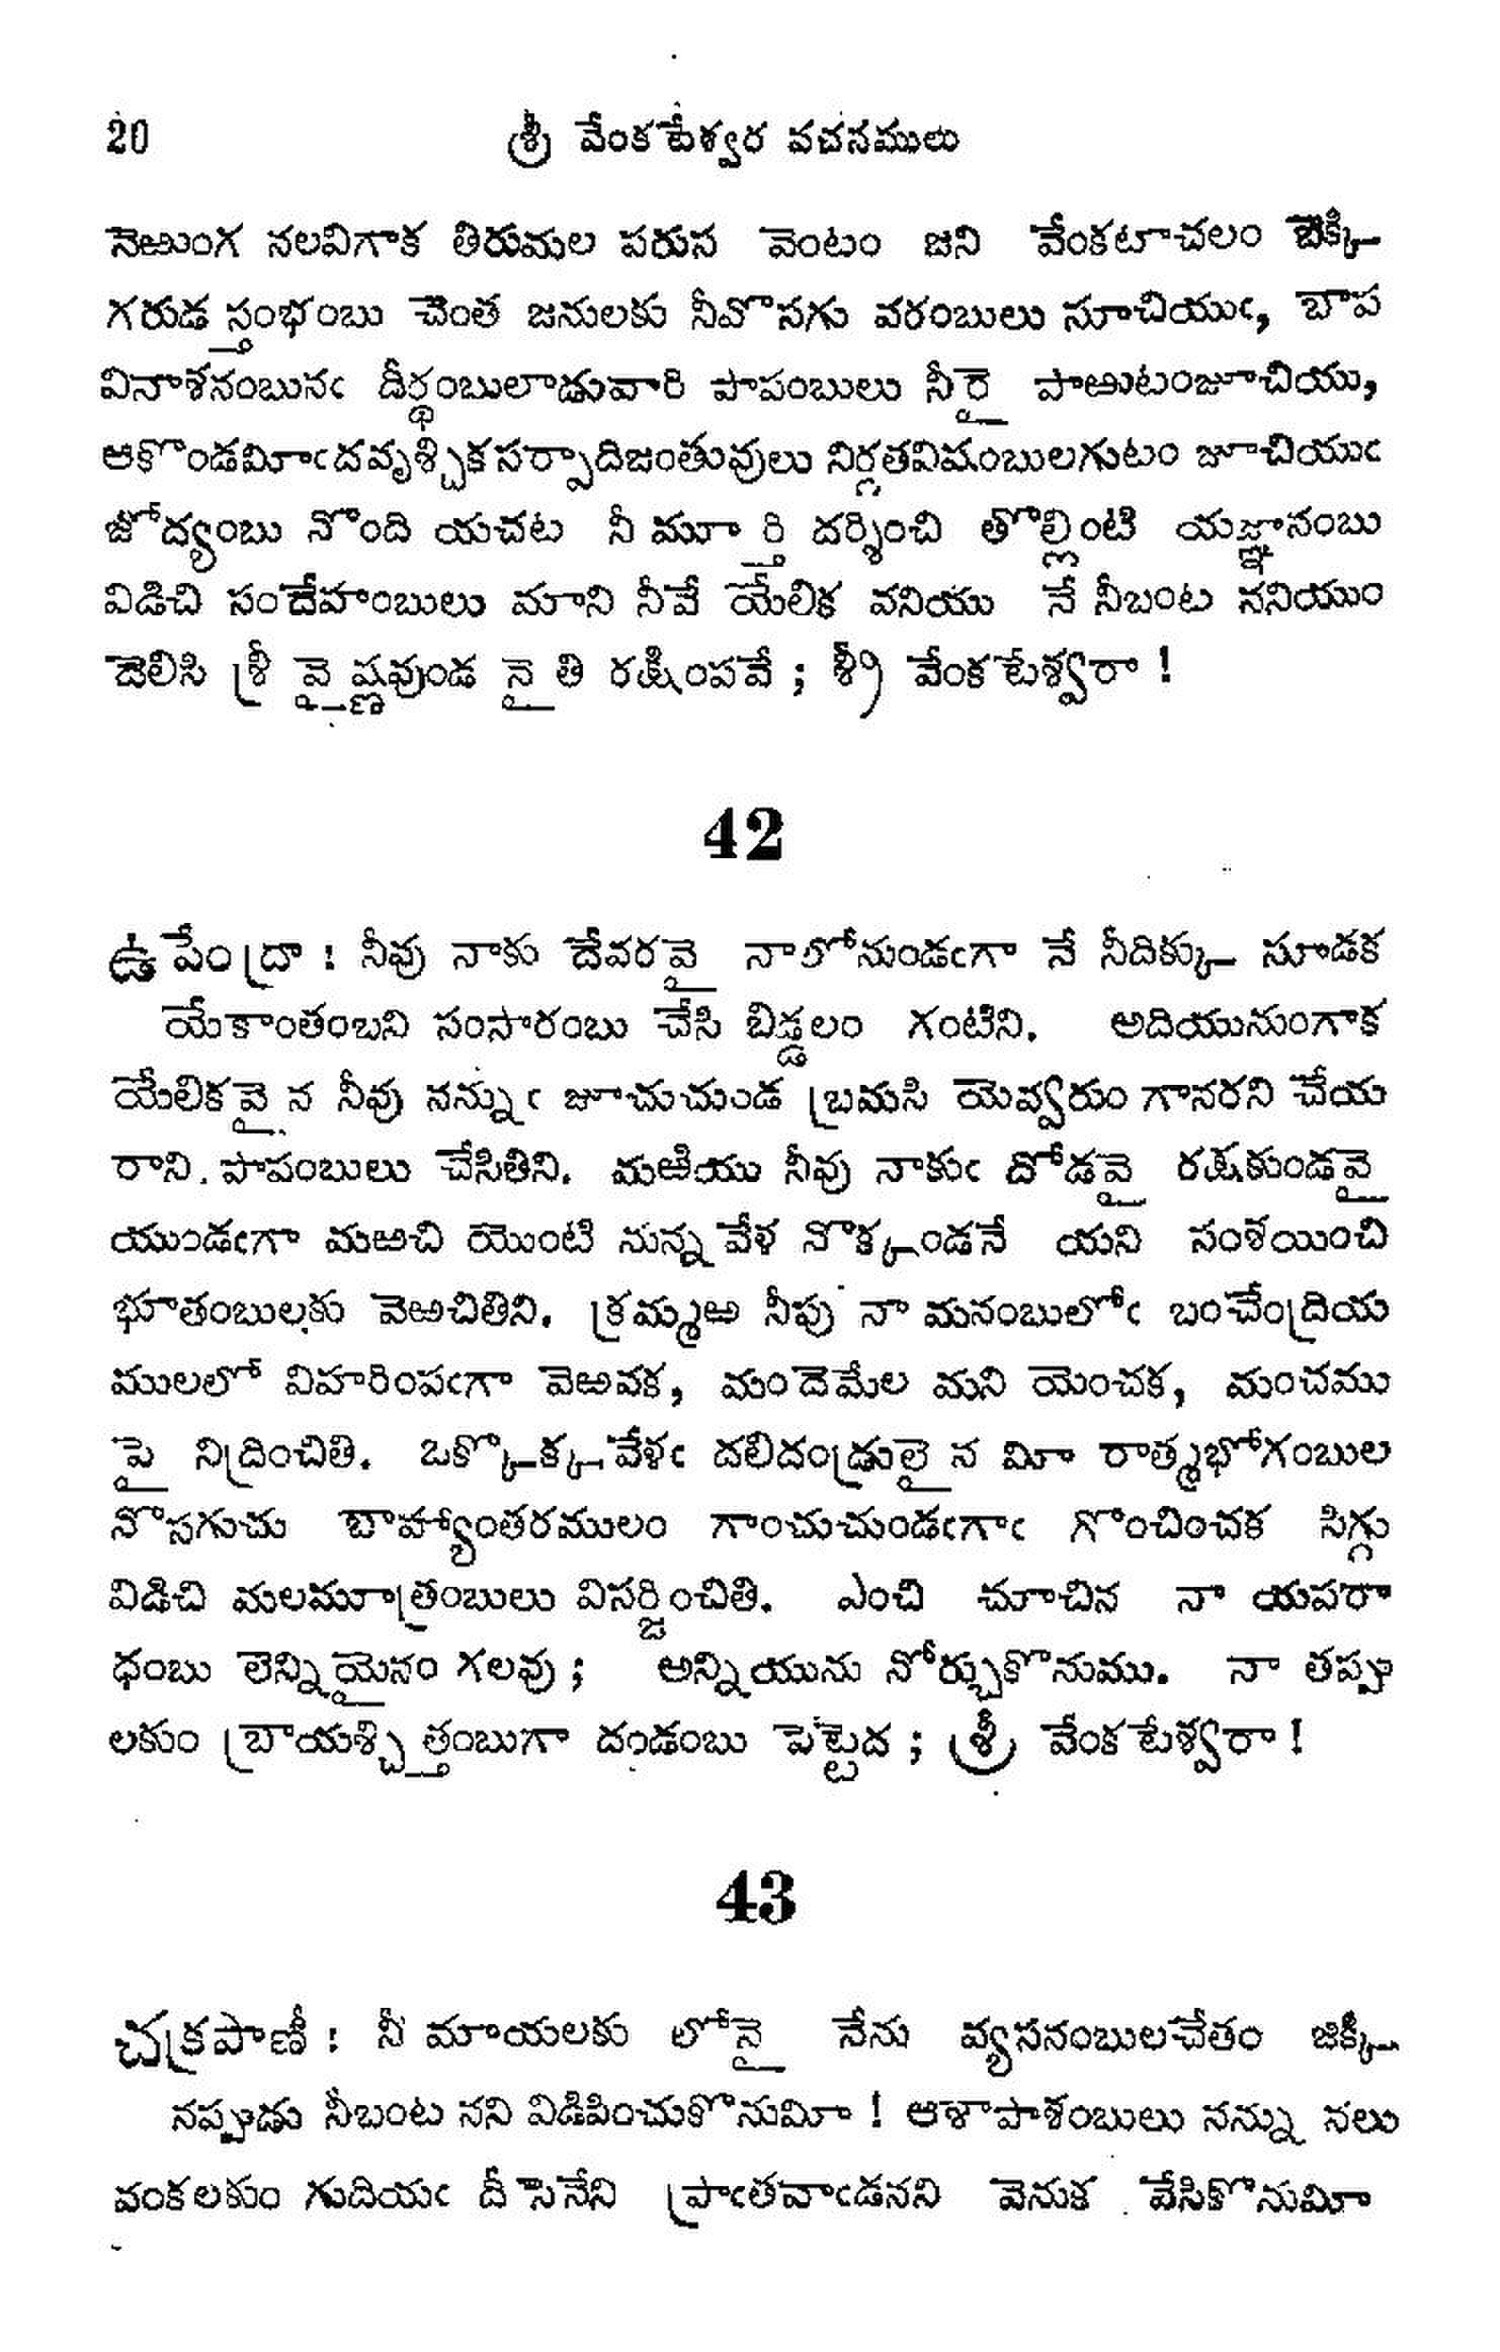శ్రీ వేంకటేశ్వర వచనములు 
నెఱుంగ నలవిగాక తిరుమల వరుస వెంటం జని వేంకటాచలం బెక్కి, గరుడ స్తంభంబు చెంత జనులకు నీవొసగు వరంబులు సూచియుఁ, బాపవినాశనంబునఁ దీర్ధంబులాడువారి పాపంబులు నీరై పాఱుటంజూచియు, ఆకొండమీఁదవృశ్చికసర్పాదిజంతువులు నిర్గతవిషంబులగుటం జూచియుఁ జోద్యంబు నొంది యచట నీ మూర్తి దర్శించి తొల్లింటి యజ్ఞానంబు విడిచి సందేహంబులు మాని నీవే యేలిక వనియు నే నీబంట ననియుం దెలిసి శ్రీ వైష్ణవుండ నైతి రక్షింపవే; శ్రీ వేంకటేశ్వరా !

42 

 ! నీవు నాకు దేవరవై నాలోనుండఁగా నే నీదిక్కు సూడక యేకాంతంబని సంసారంబు చేసి బిడ్డలం గంటిని. అదియునుంగాక యేలిక వైన నీవు నన్నుఁ జూచుచుండ బ్రమసి యెవ్వరుం గానరని చేయరాని, పాపంబులు చేసితిని. మఱియు నీవు నాకుఁ దోడవై రక్షకుండవై యుండఁగా మఱచి యొంటి నున్న వేళ నొక్కండనే యని సంశయించి భూతంబులకు వెఱచితిని. క్రమ్మఱ నీవు నా మనంబులోఁ బంచేంద్రియములలో విహరింపఁగా వెఱవక, మందెమేల మని యెంచక, మంచము పై నిద్రించితి. ఒక్కొక్క వేళఁ దలిదండ్రులైన మీ రాత్మభోగంబుల నొసగుచు బాహ్యాంతరములం గాంచుచుండఁగాఁ గొంచించక సిగ్గు విడిచి మలమూత్రంబులు విసర్జించితి. ఎంచి చూచిన నా యపరాధంబు లెన్ని యైనం గలవు; అన్నియును నోర్చుకొనుము. నా తప్పులకుం బ్రాయశ్చిత్తంబుగా దండంబు పెట్టెద; శ్రీ వేంకటేశ్వరా !

43 

 ! నీ మాయలకు లోనై నేను వ్యసనంబులచేతం జిక్కినప్పుడు నీబంట నని విడిపించుకొనుమీ ! ఆశాపాశంబులు నన్ను నలు వంకలకుం గుదియఁ దీసెనేని ప్రాతవాఁడనని వెనుక వేసికొనుమీ